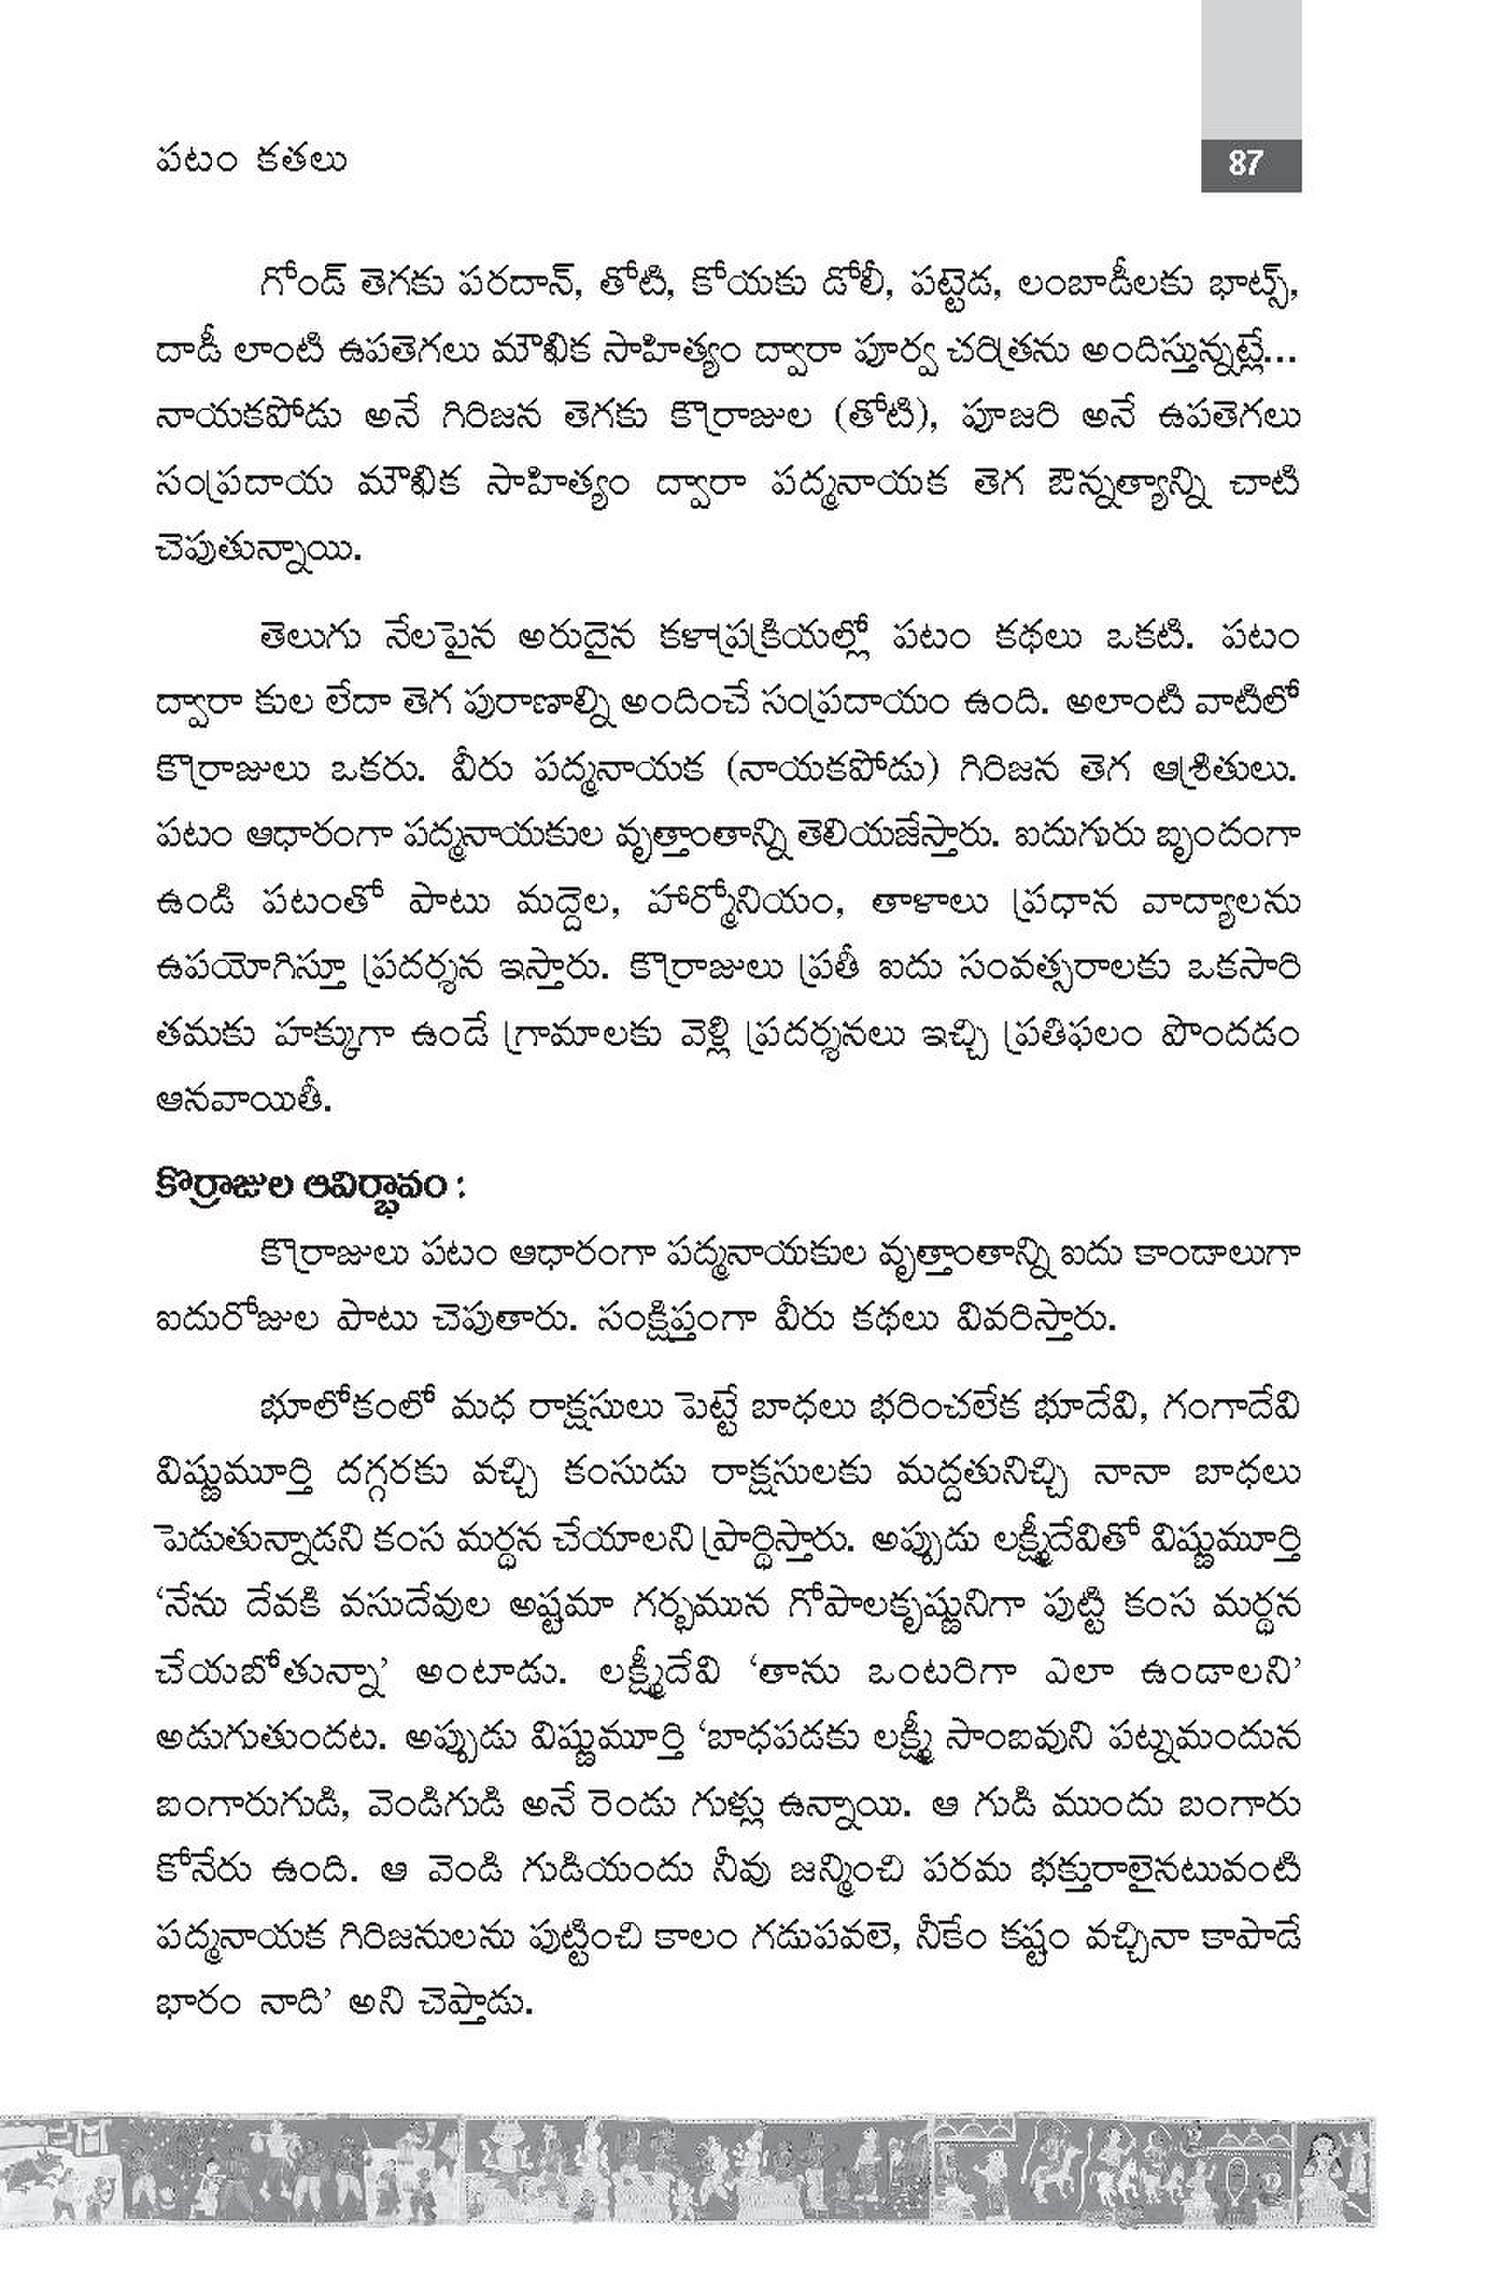గోండ్ తెగకు పరదాన్, తోటి, కోయకు డోలీ, పట్టెడ, లంబాడీలకు భాట్స్, దాడీ లాంటి ఉపతెగలు మౌఖిక సాహిత్యం ద్వారా పూర్వ చరిత్రను అందిస్తున్నట్లే... నాయకపోడు అనే గిరిజన తెగకు కొర్రాజుల (తోటి), పూజరి అనే ఉపతెగలు
సంప్రదాయ మౌఖిక సాహిత్యం ద్వారా పద్మనాయక తెగ ఔన్నత్యాన్ని చాటి చెపుతున్నాయి.

తెలుగు నేలపైన అరుదైన కళాప్రక్రియల్లో పటం కథలు ఒకటి. పటం ద్వారా కుల లేదా తెగ పురాణాల్ని అందించే సంప్రదాయం ఉంది. అలాంటి వాటిలో కొర్రాజులు ఒకరు. వీరు పద్మనాయక (నాయకపోడు) గిరిజన తెగ ఆశ్రితులు.
పటం ఆధారంగా పద్మనాయకుల వృత్తాంతాన్ని తెలియజేస్తారు. ఐదుగురు బృందంగా ఉండి పటంతో పాటు మద్దెల, హార్మోనియం, తాళాలు ప్రధాన వాద్యాలను ఉపయోగిస్తూ ప్రదర్శన ఇస్తారు. కొర్రాజులు ప్రతీ ఐదు సంవత్సరాలకు ఒకసారి తమకు హక్కుగా ఉండే గ్రామాలకు వెళ్లి ప్రదర్శనలు ఇచ్చి ప్రతిఫలం పొందడం ఆనవాయితీ.

కొర్రాజుల ఆవిర్భావం :

కొర్రాజులు పటం ఆధారంగా పద్మనాయకుల వృత్తాంతాన్ని ఐదు కాండాలుగా ఐదురోజుల పాటు చెపుతారు. సంక్షిప్తంగా వీరు కథలు వివరిస్తారు.

భూలోకంలో మధ రాక్షసులు పెట్టే బాధలు భరించలేక భూదేవి, గంగాదేవి విష్ణుమూర్తి దగ్గరకు వచ్చి కంసుడు రాక్షసులకు మద్దతునిచ్చి నానా బాధలు పెడుతున్నాడని కంస మర్దన చేయాలని ప్రార్థిస్తారు. అప్పుడు లక్ష్మీదేవితో విష్ణుమూర్తి 'నేను దేవకి వసుదేవుల అష్టమా గర్భమున గోపాలకృష్ణునిగా పుట్టి కంస మర్దన చేయబోతున్నా' అంటాడు. లక్ష్మీదేవి 'తాను ఒంటరిగా ఎలా ఉండాలని' అడుగుతుందట. అప్పుడు విష్ణుమూర్తి 'బాధపడకు లక్ష్మీ సాంబవుని పట్నమందున బంగారు గుడి, వెండిగుడి అనే రెండు గుళ్లు ఉన్నాయి. ఆ గుడి ముందు బంగారు కోనేరు ఉంది. ఆ వెండి గుడియందు నీవు జన్మించి పరమ భక్తురాలైనటువంటి పద్మనాయక గిరిజనులను పుట్టించి కాలం గడుపవలె, నీకేం కష్టం వచ్చినా కాపాడే భారం నాది' అని చెప్తాడు.